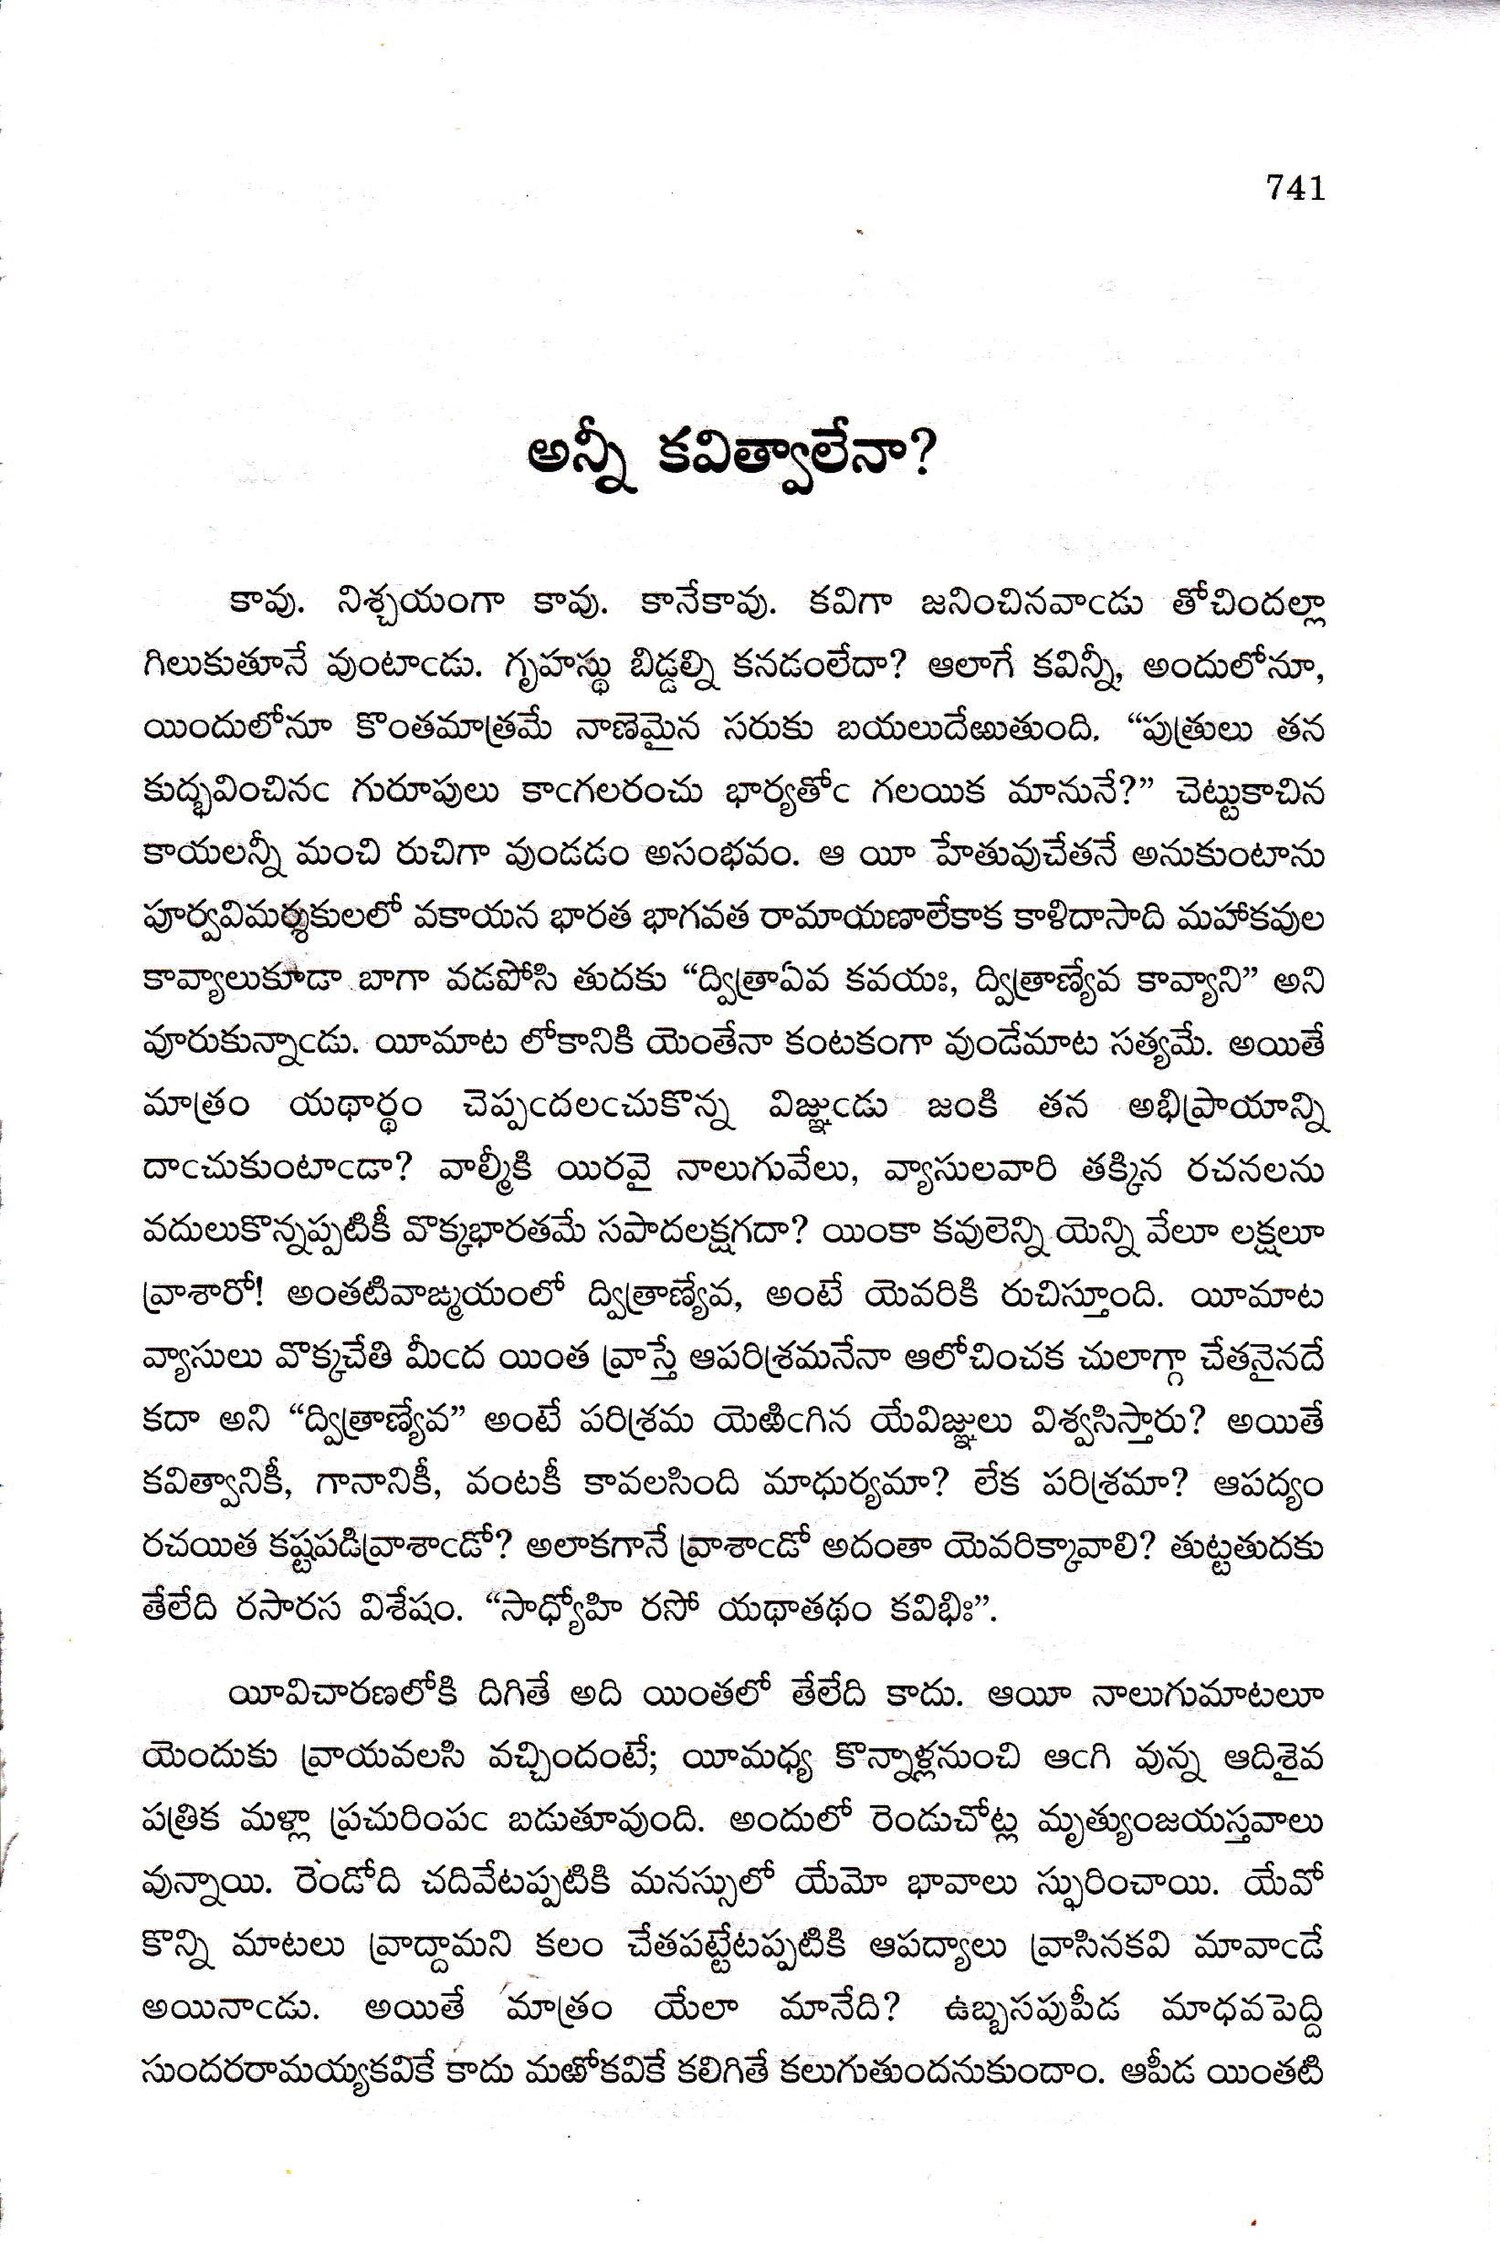అన్నీ కవిత్వాలేనా?

కావు. నిశ్చయంగా కావు. కానేకావు. కవిగా జనించినవాఁడు తోచిందల్లా గిలుకుతూనే వుంటాఁడు. గృహస్థు బిడ్డల్ని కనడంలేదా? ఆలాగే కవిన్నీ అందులోనూ, యిందులోనూ కొంతమాత్రమే నాణెమైన సరుకు బయలుదేఱుతుంది. “పుత్రులు తన కుద్భవించినఁ గురూపులు కాఁగలరంచు భార్యతోఁ గలయిక మానునే?” చెట్టుకాచిన కాయలన్నీ మంచి రుచిగా వుండడం అసంభవం. ఆ యీ హేతువుచేతనే అనుకుంటాను పూర్వవిమర్శకులలో వకాయన భారత భాగవత రామాయణాలేకాక కాళిదాసాది మహాకవుల కావ్యాలుకూడా బాగా వడపోసి తుదకు “ద్విత్రాఏవ కవయః, ద్విత్రాణ్యేవ కావ్యాని” అని వూరుకున్నాఁడు. యీమాట లోకానికి యెంతేనా కంటకంగా వుండేమాట సత్యమే. అయితే మాత్రం యథార్థం చెప్పఁదలఁచుకొన్న విజ్ఞుఁడు జంకి తన అభిప్రాయాన్ని దాఁఁచుకుంటాఁడా? వాల్మీకి యిరవై నాలుగువేలు, వ్యాసులవారి తక్కిన రచనలను వదులుకొన్నప్పటికీ వొక్కభారతమే సపాదలక్షగదా? యింకా కవులెన్నియెన్ని వేలూ లక్షలూ వ్రాశారో అంతటివాఙ్మయంలో ద్విత్రాణ్యేవ, అంటే యెవరికి రుచిస్తూంది. యీమాట వ్యాసులు వొక్కచేతి మీఁద యింత వ్రాస్తే ఆపరిశ్రమనేనా ఆలోచించక చులాగ్గా చేతనైనదే కదా అని “ద్విత్రాణ్యేవ" అంటే పరిశ్రమ యెఱిఁగిన యేవిజ్ఞులు విశ్వసిస్తారు? అయితే కవిత్వానికీ, గానానికీ, వంటకీ కావలసింది మాధుర్యమా? లేక పరిశ్రమా? ఆపద్యం రచయిత కష్టపడివ్రాశాఁడో? అలాకగానే వ్రాశాఁడో అదంతా యెవరిక్కావాలి? తుట్టతుదకు తేలేది రసారస విశేషం. "సాధ్యోహి రసో యథాతథం కవిభి".

యీవిచారణలోకి దిగితే అది యింతలో తేలేది కాదు. ఆయీ నాలుగుమాటలూ యెందుకు వ్రాయవలసి వచ్చిందంటే; యిూమధ్య కొన్నాళ్లనుంచి ఆఁగి వున్న ఆదిశైవ పత్రిక మళ్లా ప్రచురింపఁ బడుతూవుంది. అందులో రెండుచోట్ల మృత్యుంజయస్తవాలు వున్నాయి. రెండోది చదివేటప్పటికి మనస్సులో యేమో భావాలు స్ఫురించాయి. యేవో కొన్ని మాటలు వ్రాద్దామని కలం చేతపట్టేటప్పటికి ఆపద్యాలు వ్రాసినకవి మావాఁడే అయినాఁడు. అయితే మాత్రం యేలా మానేది? ఉబ్బసపుపీడ మాధవపెద్ది సుందరరామయ్యకవికే కాదు మఱోకవికే కలిగితే కలుగుతుందనుకుందాం. ఆపీడ యింతటి